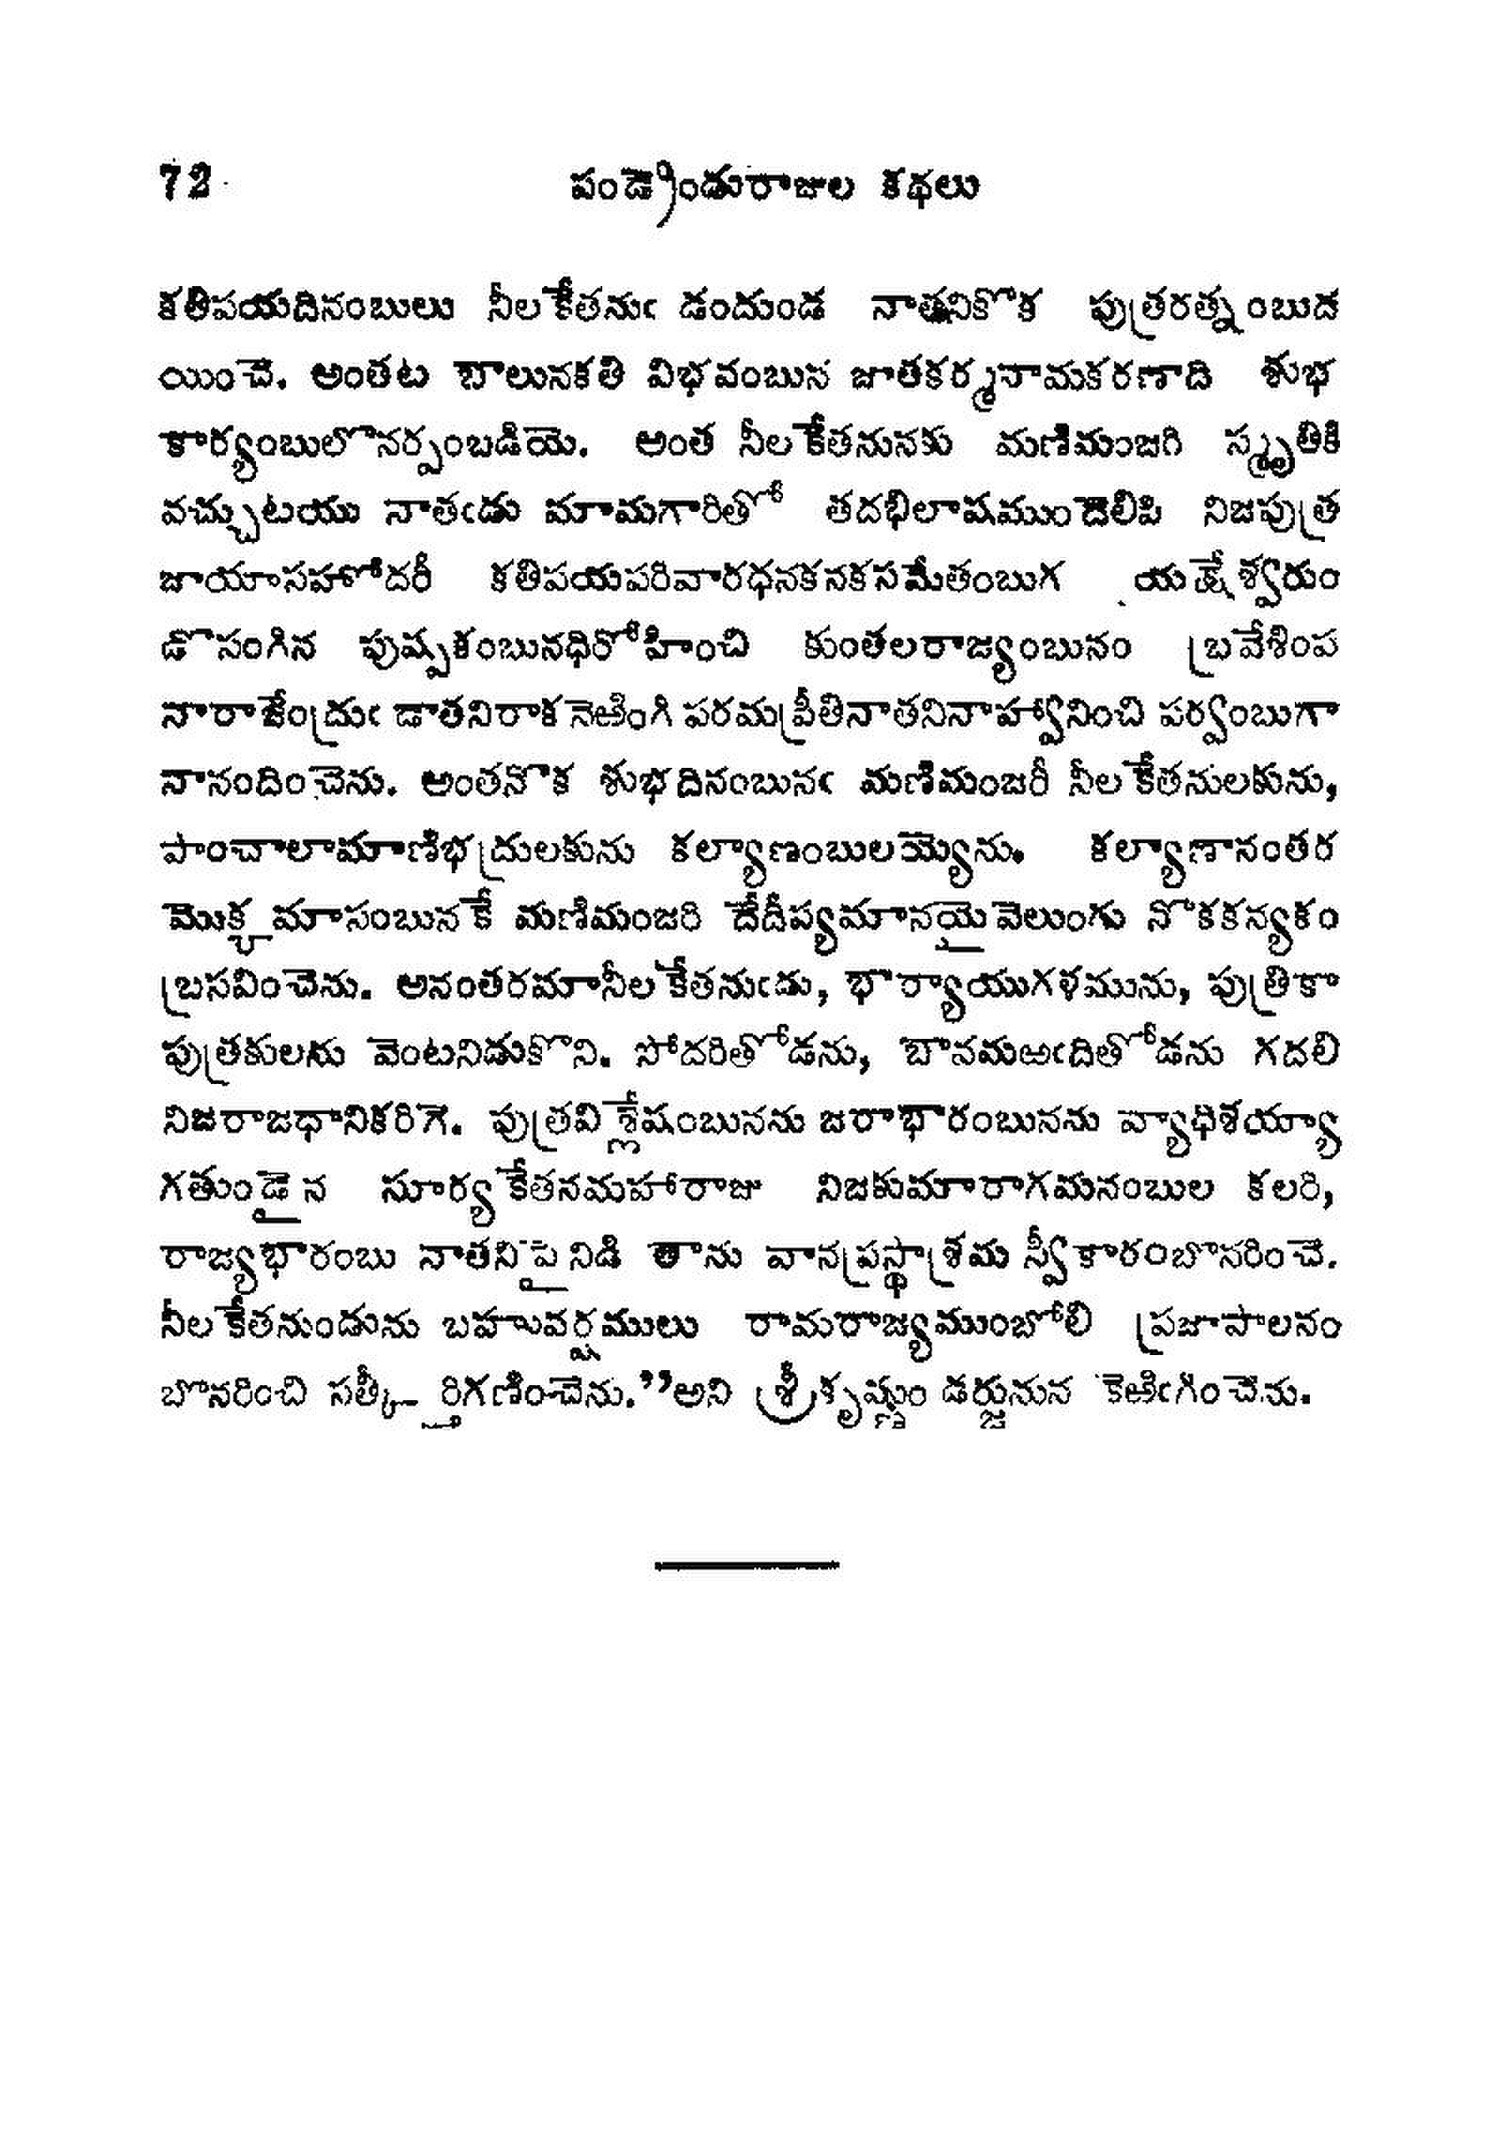కతిపయదినంబులు నీలకేతనుఁ డందుండ నాతనికొక పుత్రరత్నంబుదయించె. అంతట బాలునకతి విభవంబున జాతకర్మనామకరణాది శుభకార్యంబు లొనర్పంబడియె. అంత నీలకేతనునకు మణిమంజరి స్మృతికి వచ్చుటయు నాతఁడు మామగారితో తదభిలాషముం దెలిపి నిజపుత్ర జాయాసహోదరీ కతిపయపరివారధనకనక సమేతంబుగ యక్షేశ్వరుం
డొసంగిన పుష్పకంబునధిరోహించి కుంతల రాజ్యంబునం బ్రవేశింప నారాజేంద్రుఁ డాతనిరాక నెఱింగి పరమ ప్రీతి నాతనినాహ్వానించి పర్వంబుగా నానందించెను. అంతనొక శుభ దినంబునఁ మణిమంజరీ నీలకేతనులకును, పాంచాలా మాణిభద్రులకును కల్యాణంబులయ్యెను. కల్యాణానంతర మొక్క మాసంబునకే మణిమంజరి దేదీప్యమానయై వెలుంగు నొకకన్యకం బ్రసవించెను. అనంతరమానీలకేతనుఁడు, భార్యాయుగళమును, పుత్రికా పుత్రకులను వెంటనిడుకొని. సోదరితోడను, బావమఱఁదితోడను గదలి నిజరాజధానికరిగె. పుత్రవిశ్లేషంబునను జరాభారంబునను వ్యాధిశయ్యాగతుండైన సూర్యకేతనమహారాజు నిజకుమారాగమనంబుల కలరి, రాజ్య భారంబు నాతనిపై నిడి తాను వానప్రస్థాశ్రమ స్వీకారంబొనరించే,
నీల కేతనుండును బహు వర్షములు రామరాజ్యముంబోలి ప్రజాపాలనం బొనరించి సత్కీర్తిగణించెను.” అని శ్రీకృష్ణుం డర్జునున కెఱిగించెను.